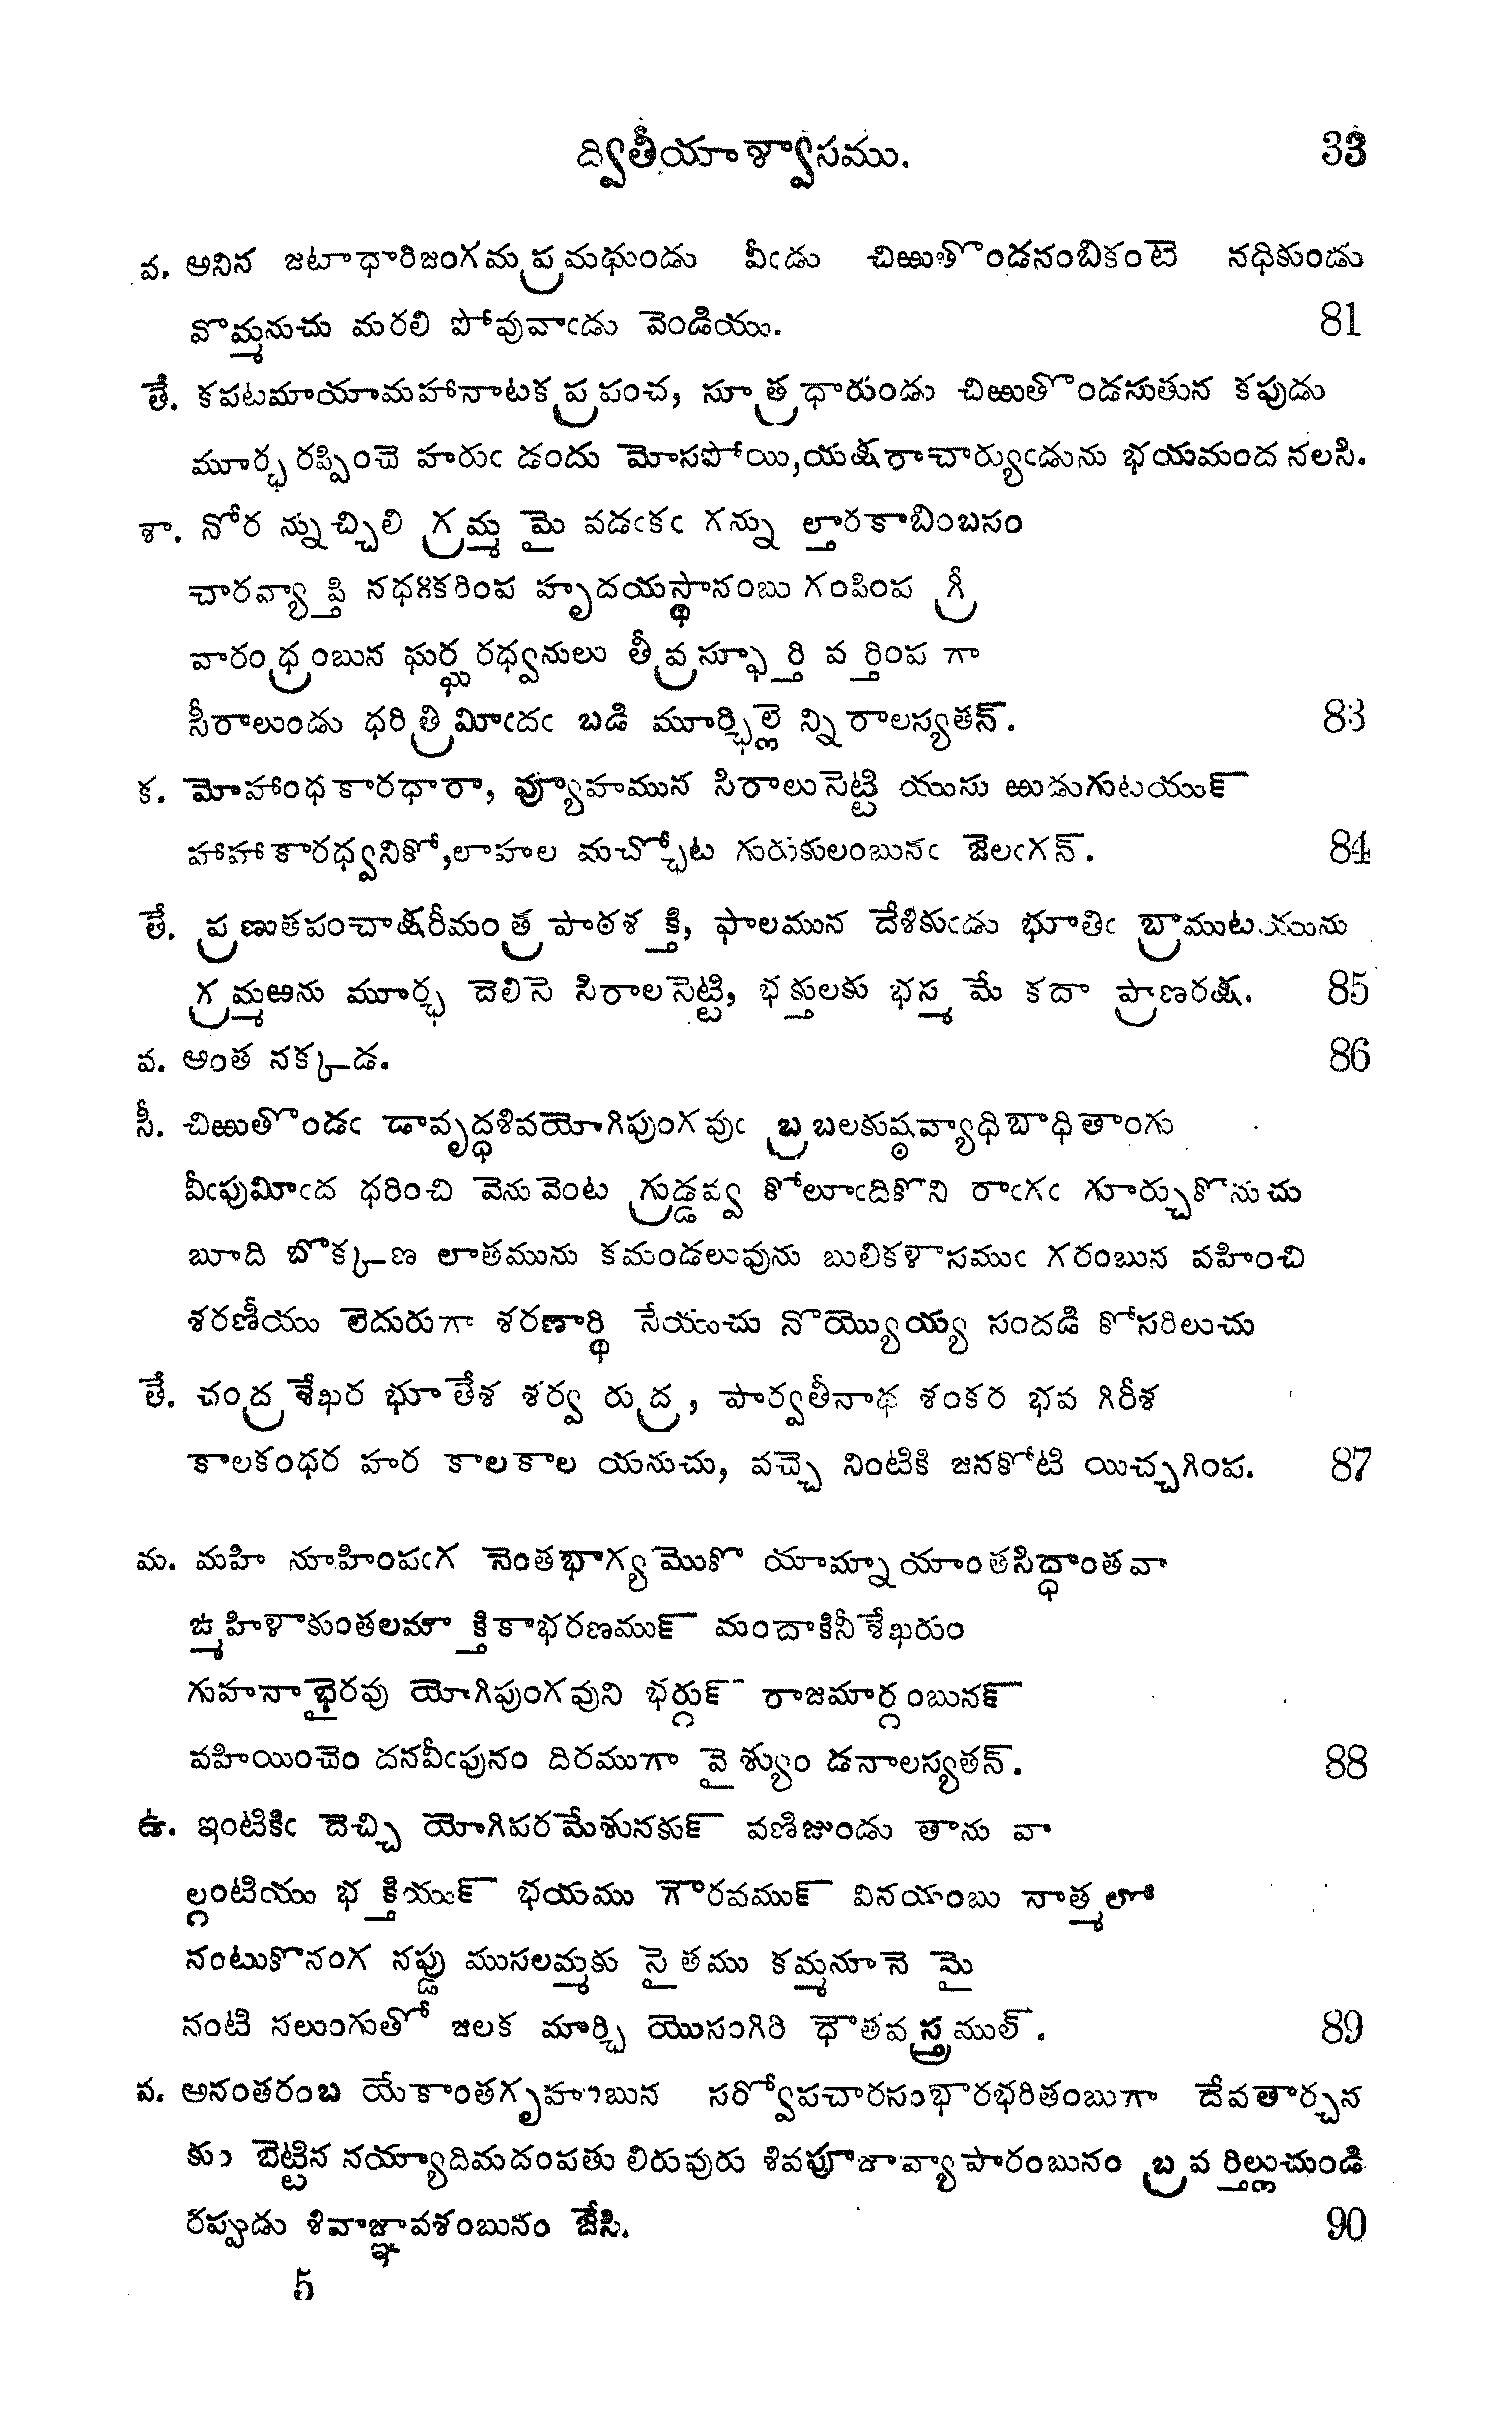వ. అనిన జటాధారిజంగమప్రమథుండు వీఁడు చిఱుతొండనంబికంటె నధికుండు వొమ్మనుచు మరలి పోవువాఁడు వెండియు. 81

తే. కపటమాయామహానాటకప్రపంచ, సూత్రధారుండు చిఱుతొండసుతున కపుడు
మూర్ఛ రప్పించె హరుఁ డందు మోసపోయి, యక్షరాచార్యుఁడును భయమంద నలసి. 82

శా. నోర న్నుచ్చిలి గ్రమ్మ మై వడఁకఁ గన్ను ల్తారకాబింబసం
చారవ్యాప్తి నధఃకరింప హృదయస్థానంబు గంపింప గ్రీ
వారంధ్రంబున ఘర్ఘధ్వనులు తీవ్రస్ఫూర్తి వర్తింపఁగా
సీరాలుండు ధరిత్రిమీఁదఁ బడి మూర్ఛిల్లె న్నిరాలస్యతన్. 83

క. మోహాంధకారధారా, వ్యూహమున సిరాలుసెట్టి యుసు ఱుడుగుటయున్
హాహాకారధ్వనికో, లాహల మచ్చోట గురుకులంబునఁ జెలఁగన్. 84

తే. ప్రణుతపంచాక్షరీమంత్రపాఠశక్తి, ఫాలమున దేశికుఁడు భూతిఁ బ్రాముటయును
గ్రమ్మఱను మూర్ఛ దెలిసె సిరాలసెట్టి, భక్తులకు భస్మమే కదా ప్రాణరక్ష. 85

వ. అంత నక్కడ. 86

సీ. చిఱుతొండఁ డావృద్ధశివయోగిపుంగవుఁ బ్రబలకుష్ఠవ్యాధిబాధితాంగు
వీఁపుమీఁద ధరించి వెనువెంట గ్రుడ్డవ్వ కోలూఁదికొని రాఁగఁ గూర్చుకొనుచు
బూది బొక్కణ లాతమును కమండలువును బులికళాసముఁ గరంబున వహించి
శరణీయు లెదురుగా శరణార్థి సేయుచు నొయ్యొయ్య సందడి కోసరిలుచు
తే. చంద్రశేఖర భూతేశ శర్వ రుద్ర, పార్వతీనాథ శంకర భవ గిరీశ
కాలకంధర హర కాలకాల యనుచు, వచ్చె నింటికి జనకోటి యిచ్చగింప. 87

మ. మహి నూహింపఁగ నెంతభాగ్యమొకొ యామ్నాయాంతసిద్ధాంతవా
ఙ్మహిళాకుంతలమౌక్తికాభరణమున్ మందాకినీశేఖరుం
గుహనాభైరవు యోగిపుంగవుని భర్గున్ రాజమార్గంబునన్
వహియించెన్ దనవీపునం దిరముగా వైశ్యుం డనాలస్యతన్. 88

ఉ. ఇంటికిఁ దెచ్చి యోగిపరమేశునకున్ వణిజుండు తాను వా
ల్గంటియు భక్తియున్ భయము గౌరవమున్ వినయంబు నాత్మలో
నంటుకొనంగ నప్డు ముసలమ్మకు సైతము కమ్మనూనె మై
నంటి నలుంగుతో జలక మార్చి యొసంగిరి ధౌతవస్త్రముల్. 89

వ. అనంతరంబ యేకాంతగృహంబున సర్వోపచారసంభారభరితంబుగా దేవతార్చనకుం బెట్టిన నయ్యాదిమదంపతు లిరువురు శివపూజావ్యాపారంబునం బ్రవర్తిల్లుచుండి రప్పుడు శివాజ్ఞావశంబునం జేసి. 90